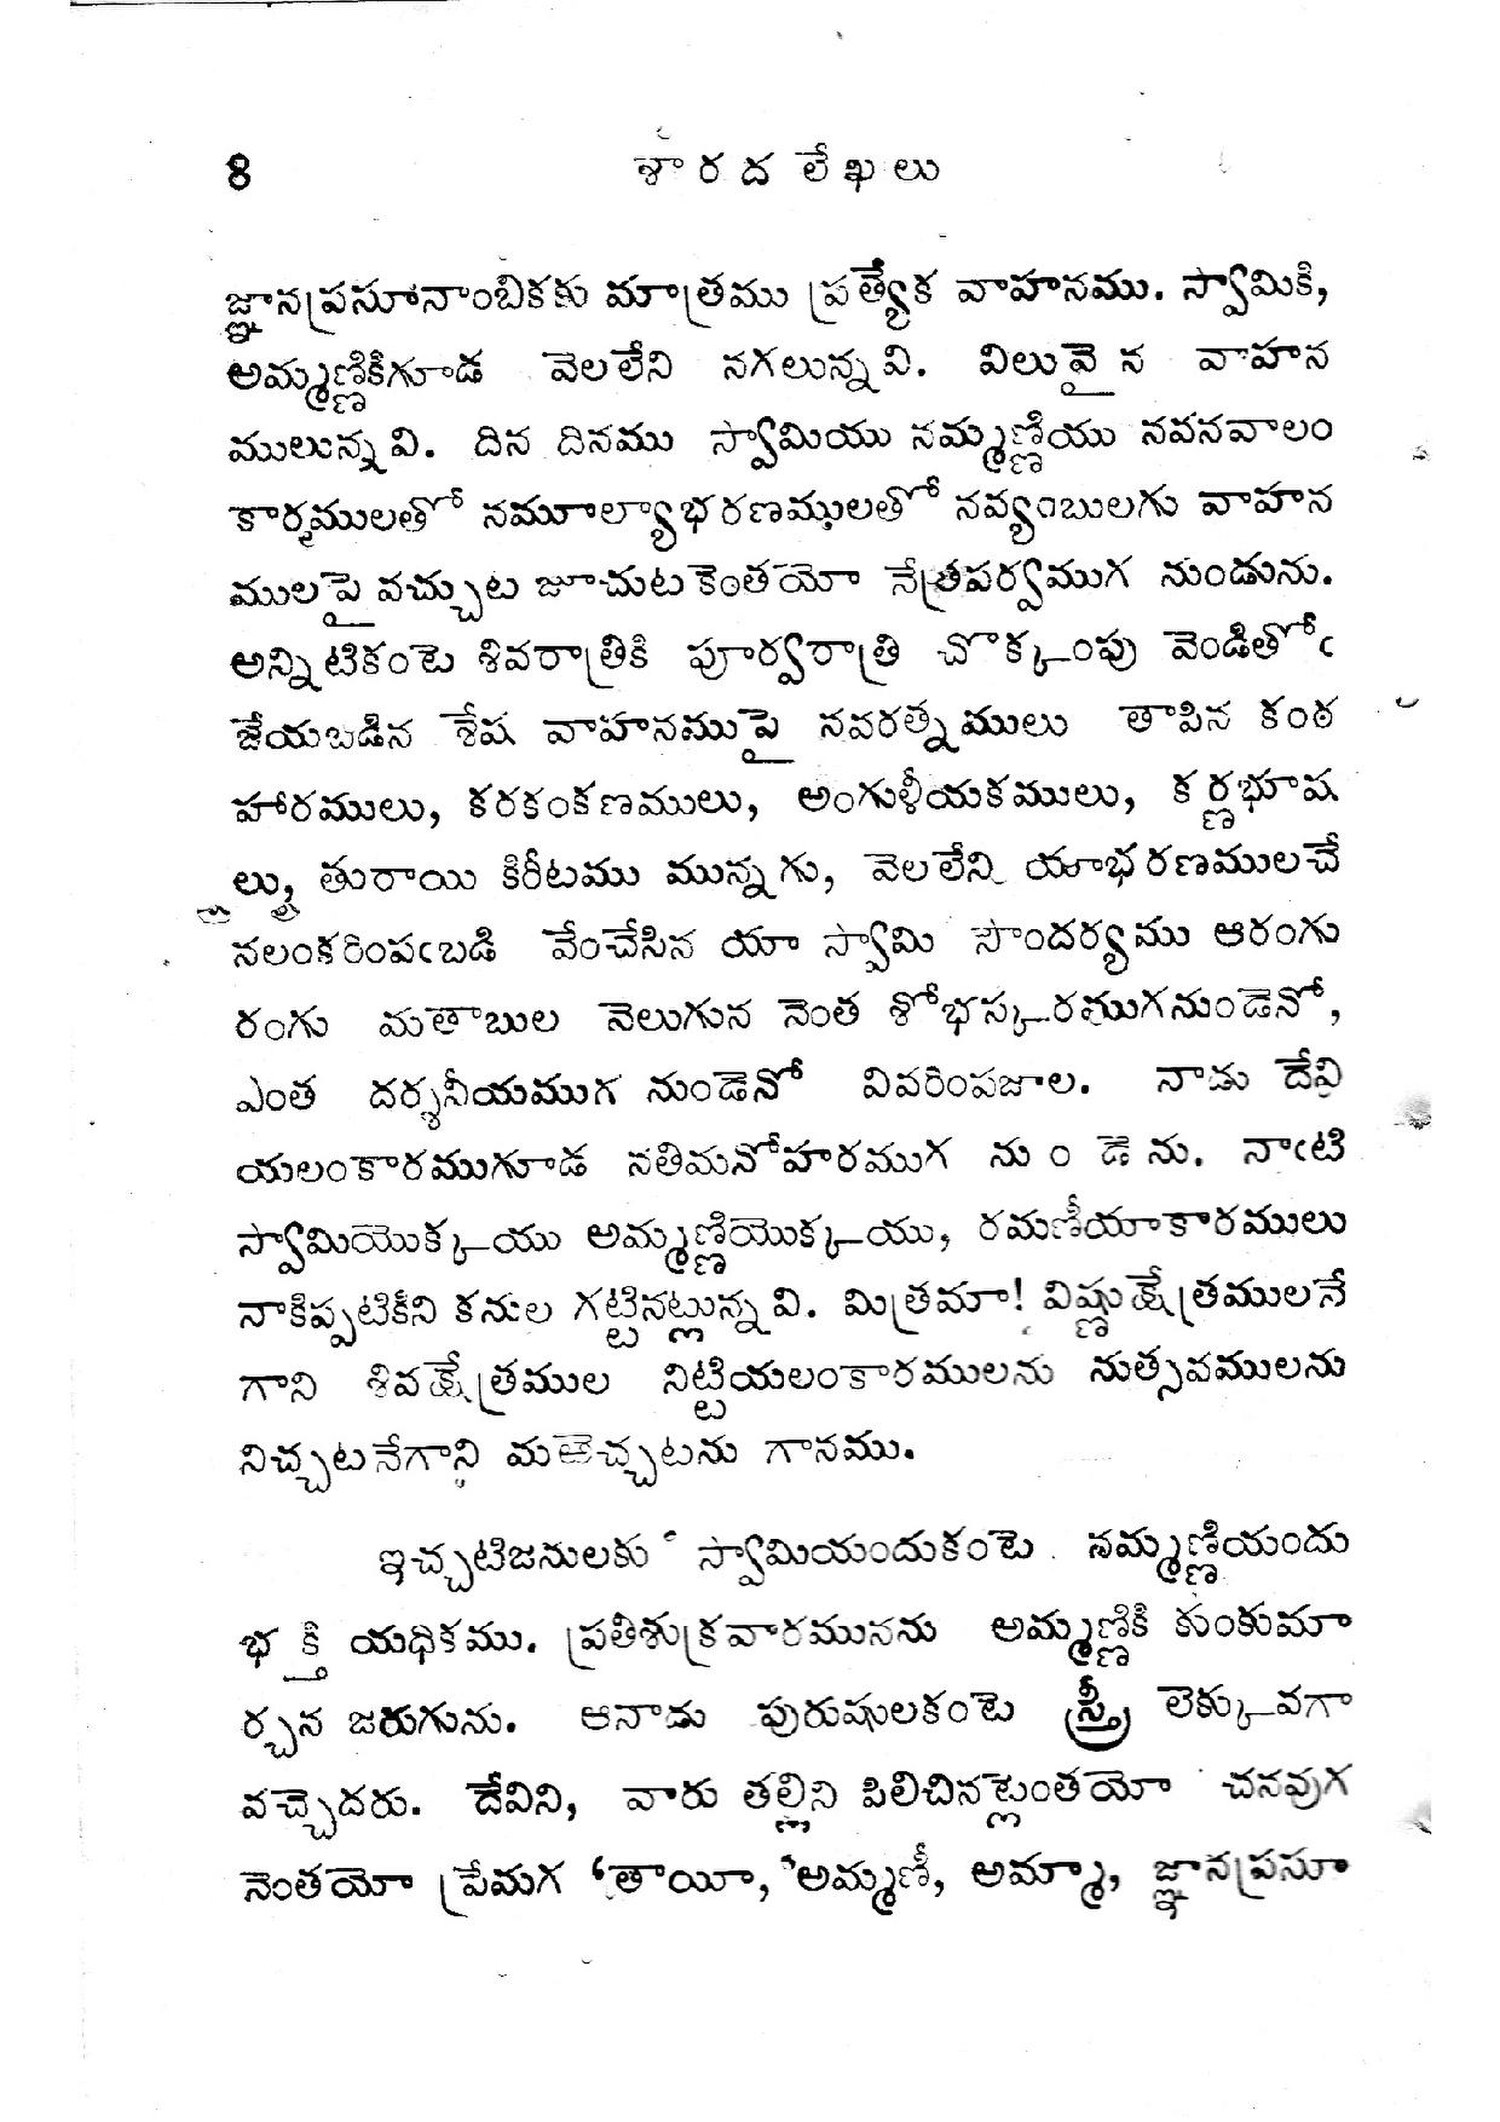జ్ఞానప్రసూనాంబికకు మాత్రము ప్రత్యేక వాహనము. స్వామికి, అమ్మణ్ణికిగూడ వెలలేని నగలున్నవి. విలువైన వాహనములున్నవి. దిన దినము స్వామియు నమ్మణ్ణియు నవనవాలంకారములతో నమూల్యాభరణములతో నవ్యంబులగు వాహనములపై వచ్చుట జూచుటకెంతయో నేత్రపర్వముగ నుండును. అన్నిటికంటె శివరాత్రికి పూర్వరాత్రి చొక్కంపు వెండితోఁ జేయబడిన శేష వాహనముపై నవరత్నములు తాపిన కంఠహారములు, కరకంకణములు, అంగుళీయకములు, కర్ణభూషలు, తురాయి కిరీటము మున్నగు, వెలలేని యాభరణములచే నలంకరింపఁబడి వేంచేసిన యా స్వామి సౌందర్యము ఆరంగు రంగు మతాబులు వెలుగున నెంత శోభస్కరముగనుండెనో, ఎంత దర్శనీయముగ నుండెనో వివరింపజాల. నాడు దేవి 
యలంకారముగూడ నతిమనోహరముగ నుండెను. నాఁటి స్వామియొక్కయు అమ్మణ్ణియొక్కయు, రమణీయాకారములు నాకిప్పటికిని కనుల గట్టినట్లున్నవి. మిత్రమా! విష్ణుక్షేత్రములనే గాని శివక్షేత్రముల నిట్టియలంకారములను నుత్సవములను నిచ్చటనేగాని మఱెచ్చటను గానము.

ఇచ్చటిజనులకు స్వామియందుకంటె నమ్మణ్ణియందు భక్తి యధికము, ప్రతిశుక్రవారమునను అమ్మణ్ణికి కుంకుమార్చన జరుగును. ఆనాడు పురుషులకంటె స్త్రీ లెక్కువగా వచ్చెదరు. దేవిని, వారు తల్లిని పిలిచినట్లెంతయో చనవుగ నెంతయో ప్రేమగ ‘తాయీ, 'అమ్మణీ, అమ్మా, జ్ఞానప్రసూ